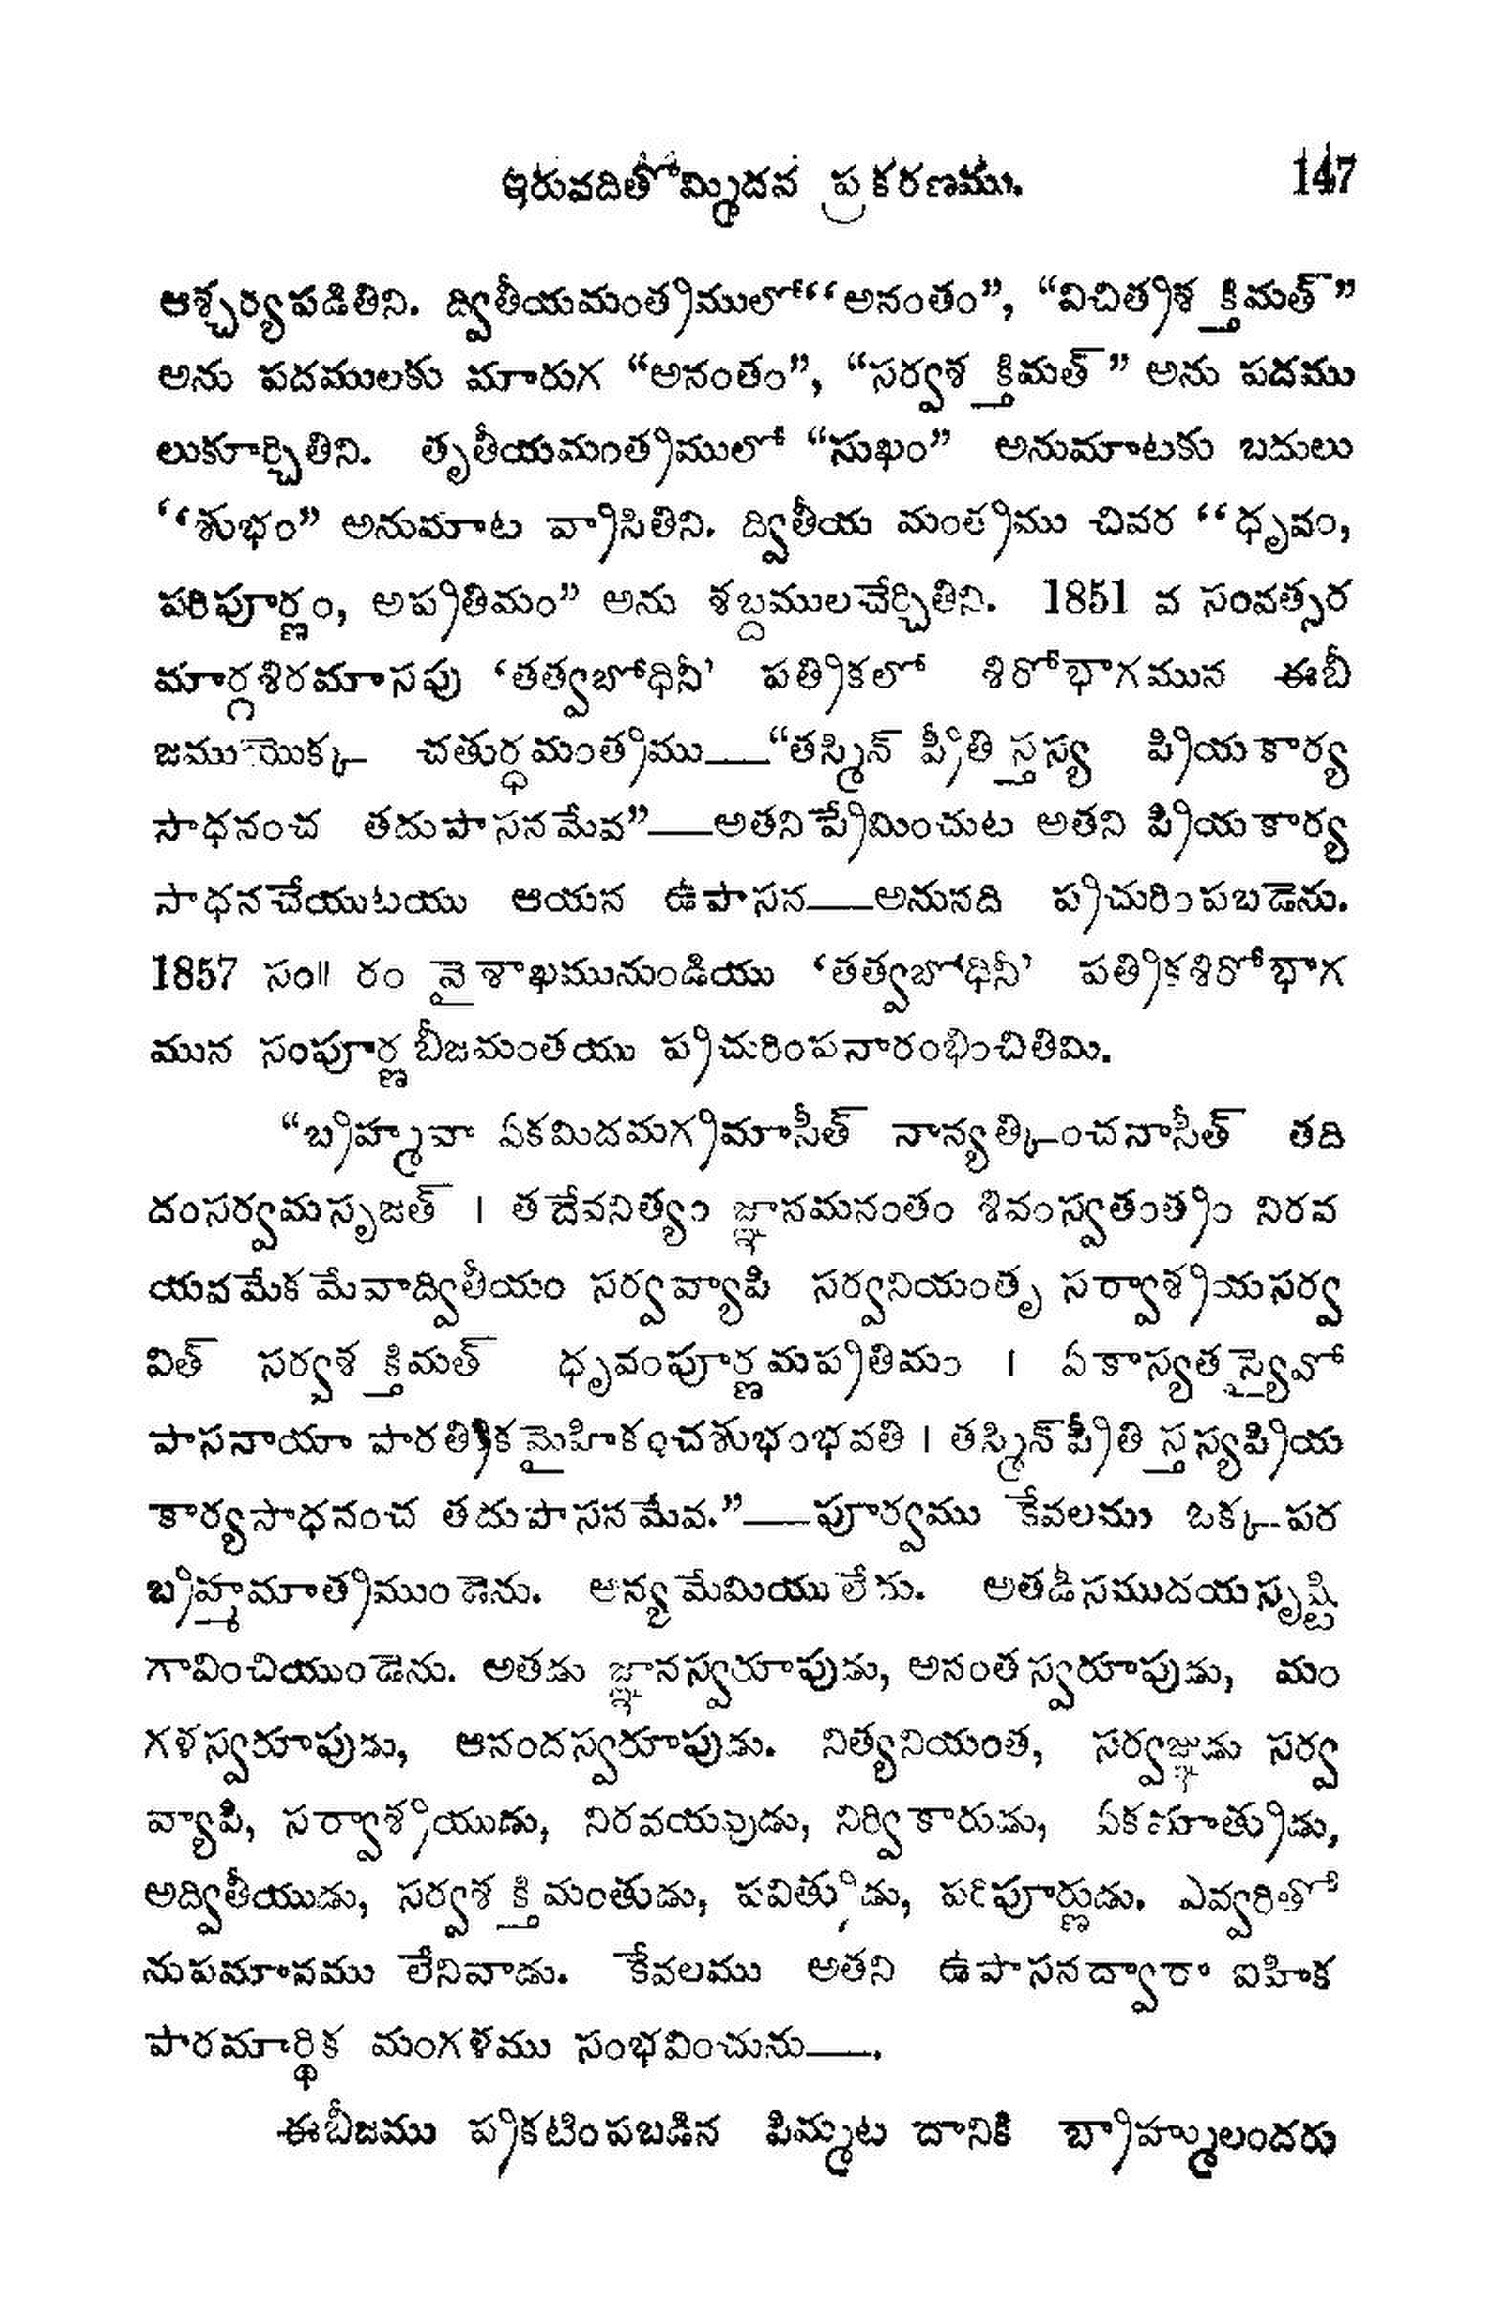ఆశ్చర్యపడితిని. ద్వితీయ మంత్రములో అనంతం", "విచిత్ర శ క్తిమత్ "
అను పదములకు మారుగ "అనంతం”, “సర్వశక్తిమత్ ” అను పదము
లుకూర్చితిని. తృతీయమంతములో "సుఖం" అనుమాటకు బదులు
'శుభం” అనుమాట వ్రాసితిని. ద్వితీయ మంత్రము చివర “ధృవం,
పరిపూర్ణం, అప్రతిమం” అను శబ్దముల చేర్చితిని. 1851 వ సంవత్సర
మార్గశిరమాసపు 'తత్వబోధినీ' పత్రికలో శిరోభాగమున ఈబీజము యొక్క 
చతుర్ధ మంత్రము “తస్మిన్ ప్రీతి స్తస్య ప్రియ కార్య సాధనంచ తదుపాసన 
మేవ- అతని ప్రేమించుట మించుట అతని ప్రియ కార్యసాధన చేయుటయు
ఆయన ఉపాసన_అనునది ప్రచురింప బడెను.1857 సం|| రం వై శాఖము
నుండియు 'తత్వబోధినీ పలికశిరో భాగమున సంపూర్ణ బీజమంతయు ప్రచురింప నారంభించితిమి.'

“బ్రాహ్మవా ఏకమిదమగ్రమాసీత్ నాన్య త్కించనాసీత్ తది
దంసర్వమసృజత్ | త దేవనిత్యం, జ్ఞానమనంతం శివం స్వతంత్రం 
నిరవయవ మేక మేవాద్వితీయం సర్వవ్యాపి సర్వనియంతృ సర్వాశ్రయ 
సర్వవిత్ సర్వశక్తిమత్ ధృవంపూర్ణమప్రతిమం | ఏ కాస్యత స్యైవో
పాసనాయా పార తిత్తిక మైహికంచశుభం భవతి | తస్మిన్ ప్రీతి స్తస్యప్రియ
కార్యసాధనంచ తదుపొసన మేవ.” _ -పూర్వముకేవలము ఒక్క-పర
బ్రాహ్మమాత్రముం డెను. అన్య మేమియు లేదు. అతడీ సముదయ సృష్టి
గావించియుండెను. అతడు జ్ఞాన స్వరూపుడు, అనంత స్వరూపుడు, 
మంగళ స్వరూపుడు, ఆనంద స్వరూపుడు. నిత్యనియంత, సర్వజ్ఞుడు 
సర్వవ్యాపి, సర్వాశ్రయుడు, నిరవయవుడు, నిర్వికారుడు, ఏక సూతుడు,
అద్వితీయుడు, సర్వశక్తి మంతుడు, పవిత్రుడు, పరిపూర్ణుడు. ఎవ్వరితో
నుపమావము లేనివాడు. కేవలము అతని .ఉపాసన ద్వారా ఐహిక
పొరమార్థిక మంగళము సంభవించును,

ఈబీజము ప్రకటింపబడిన పిమ్మట దానికిబ్రాహ్ములందరు